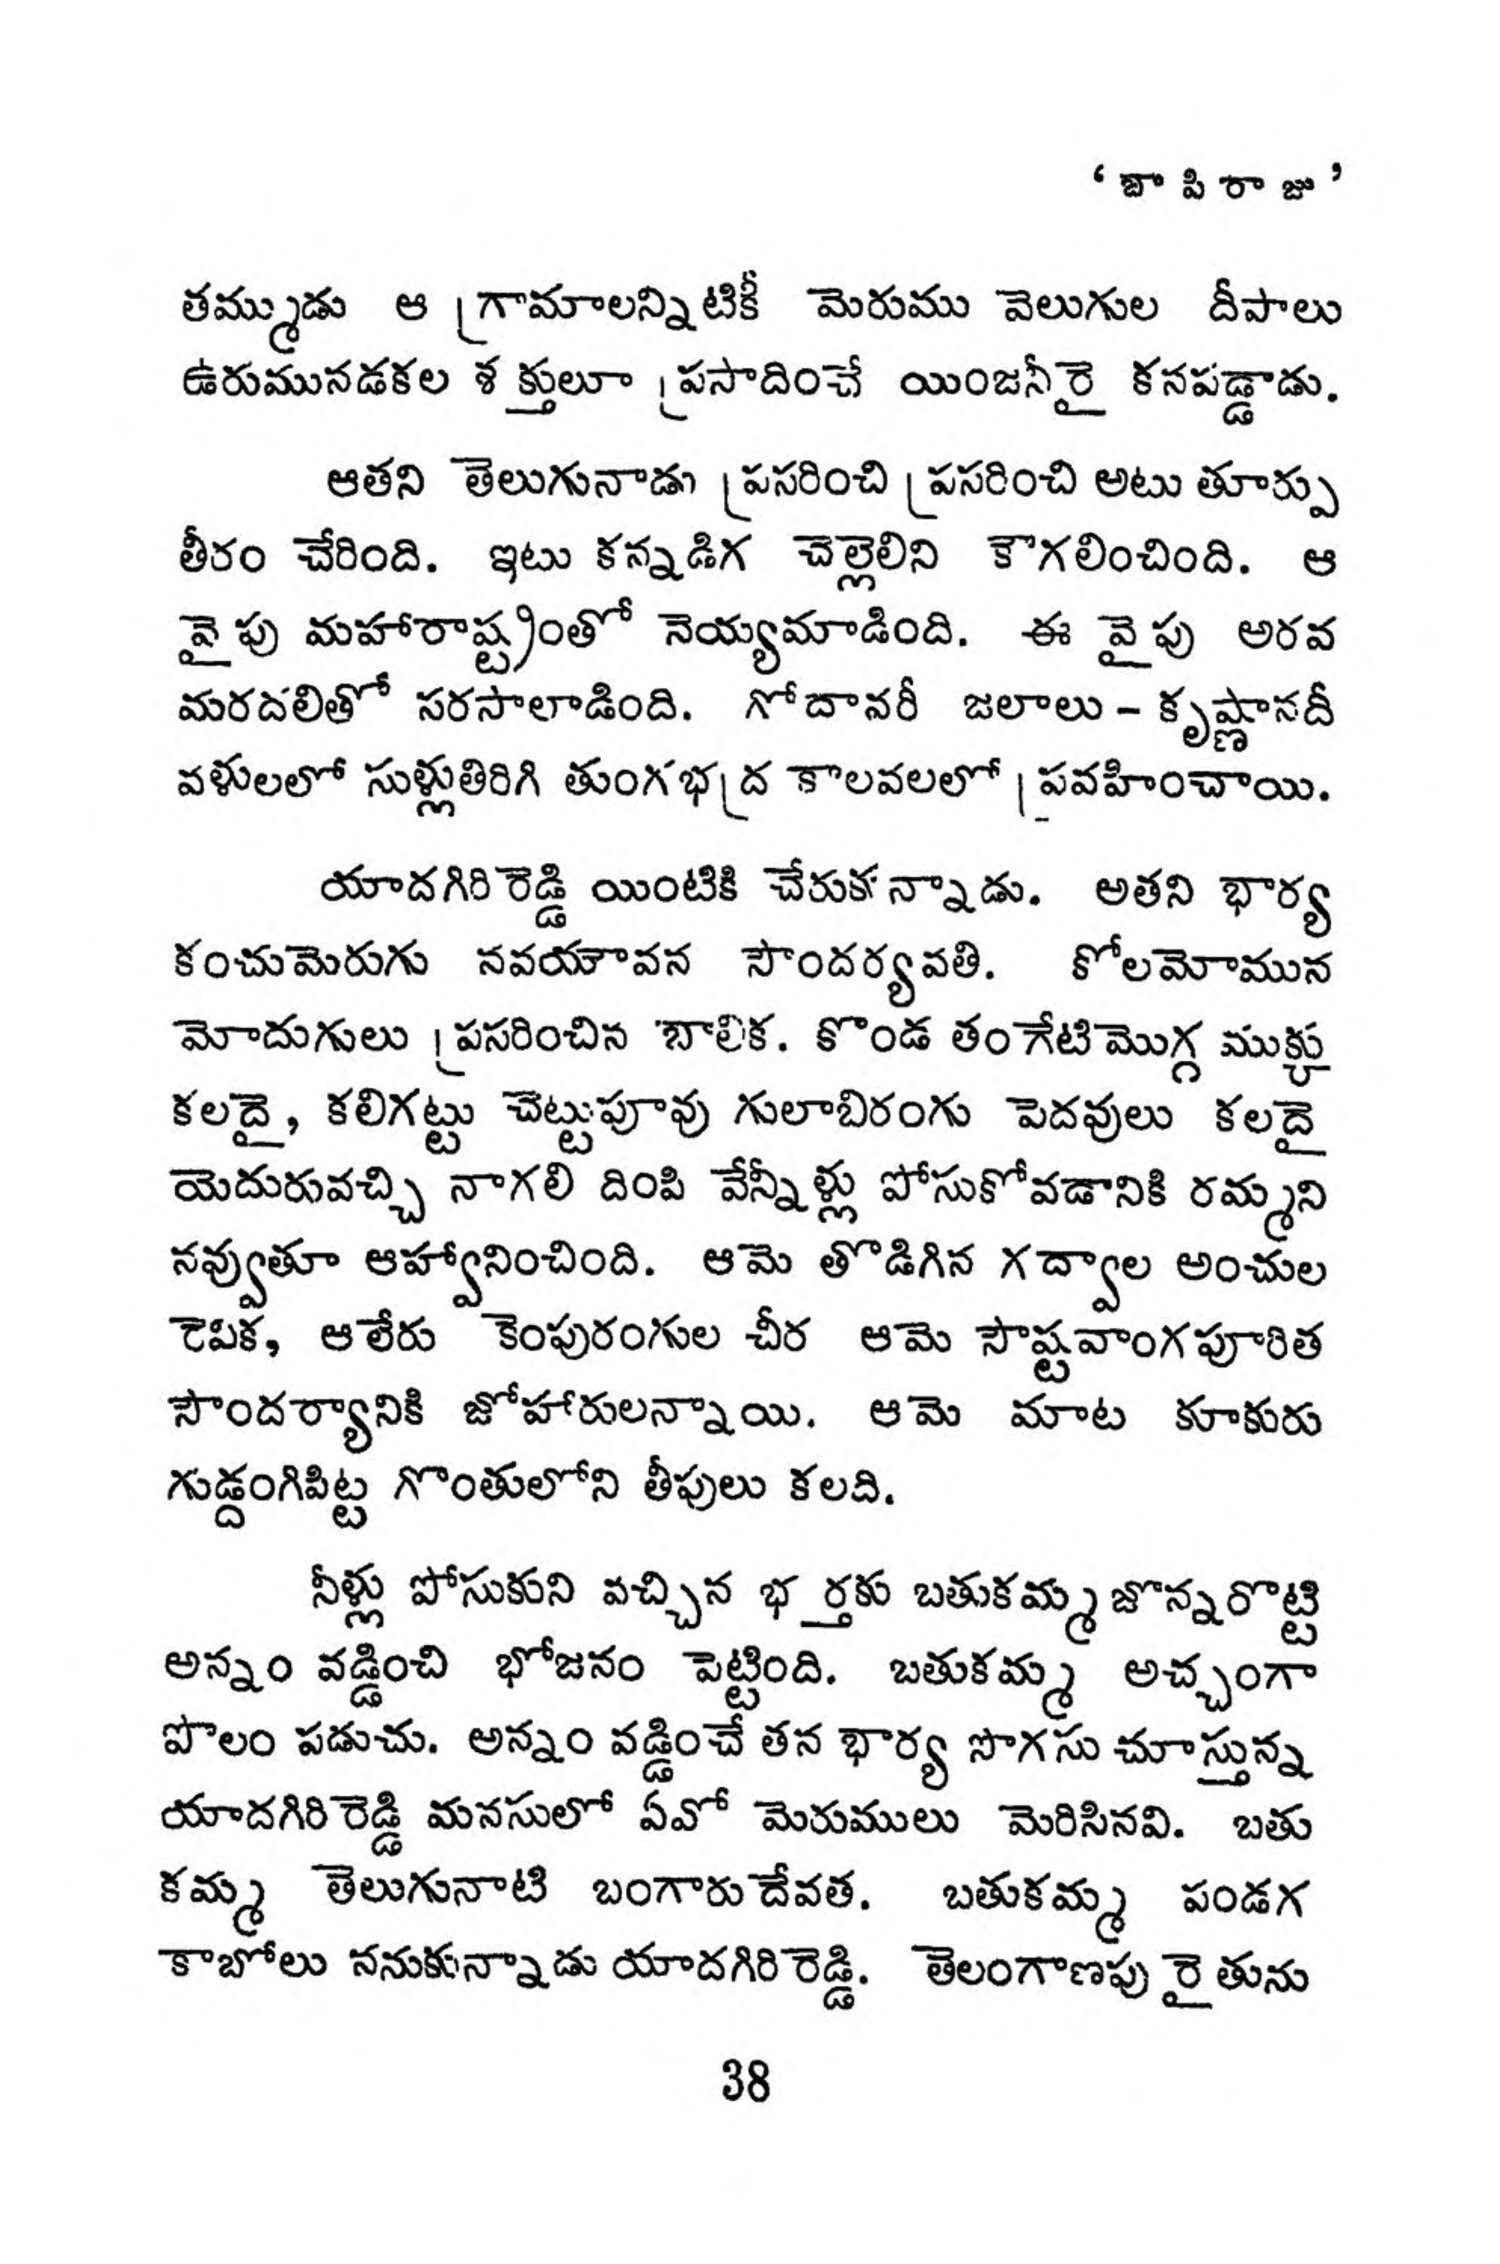తమ్ముడు ఆ గ్రామాలన్నిటికీ మెరుము వెలుగుల దీపాలు ఉరుమునడకల శక్తులూ ప్రసాదించే యింజనీరై కనపడ్డాడు.

ఆతని తెలుగునాడు ప్రసరించి ప్రసరించి అటు తూర్పుతీరం చేరింది. ఇటు కన్నడిగ చెల్లెలిని కౌగలించింది. ఆ వైపు మహారాష్ట్రంతో నెయ్యమాడింది. ఈ వైపు అరవ మరదలితో సరసాలాడింది. గోదావరీ జలాలు - కృష్ణానదీ వళులలో సుళ్లుతిరిగి తుంగభద్ర కాలవలలో ప్రవహించాయి.

యాదగిరిరెడ్డి యింటికి చేరుకున్నాడు. అతని భార్య కంచుమెరుగు నవయౌవన సౌందర్యవతి. కోలమోమున మోదుగులు ప్రసరించిన బాలిక. కొండ తంగేటిమొగ్గ ముక్కు కలదై, కలిగట్టు చెట్టుపూవు గులాబిరంగు పెదవులు కలదై యెదురువచ్చి నాగలి దింపి వేన్నీళ్లు పోసుకోవడానికి రమ్మని నవ్వుతూ ఆహ్వానించింది. ఆమె తొడిగిన గద్వాల అంచుల రెవిక, ఆలేరు కెంపురంగుల చీర ఆమె సౌష్టవాంగపూరిత సౌందర్యానికి జోహారులన్నాయి. ఆమె మాట కూకురు గుడ్డంగిపిట్ట గొంతులోని తీపులు కలది.

నీళ్లు పోసుకుని వచ్చిన భర్తకు బతుకమ్మ జొన్నారొట్టి అన్నం వడ్డించి భోజనం పెట్టింది. బతుకమ్మ అచ్చంగా పొలం పడుచు. అన్నం వడ్డించే తన భార్య సొగసు చూస్తున్న యాదగిరిరెడ్డి మనసులో ఏవో మెరుములు మెరిసినవి. బతుకమ్మ తెలుగునాటి బంగారుదేవత. బతుకమ్మ పండగ కాబోలు ననుకున్నాడు యాదగిరిరెడ్డి. తెలంగాణపు రైతును